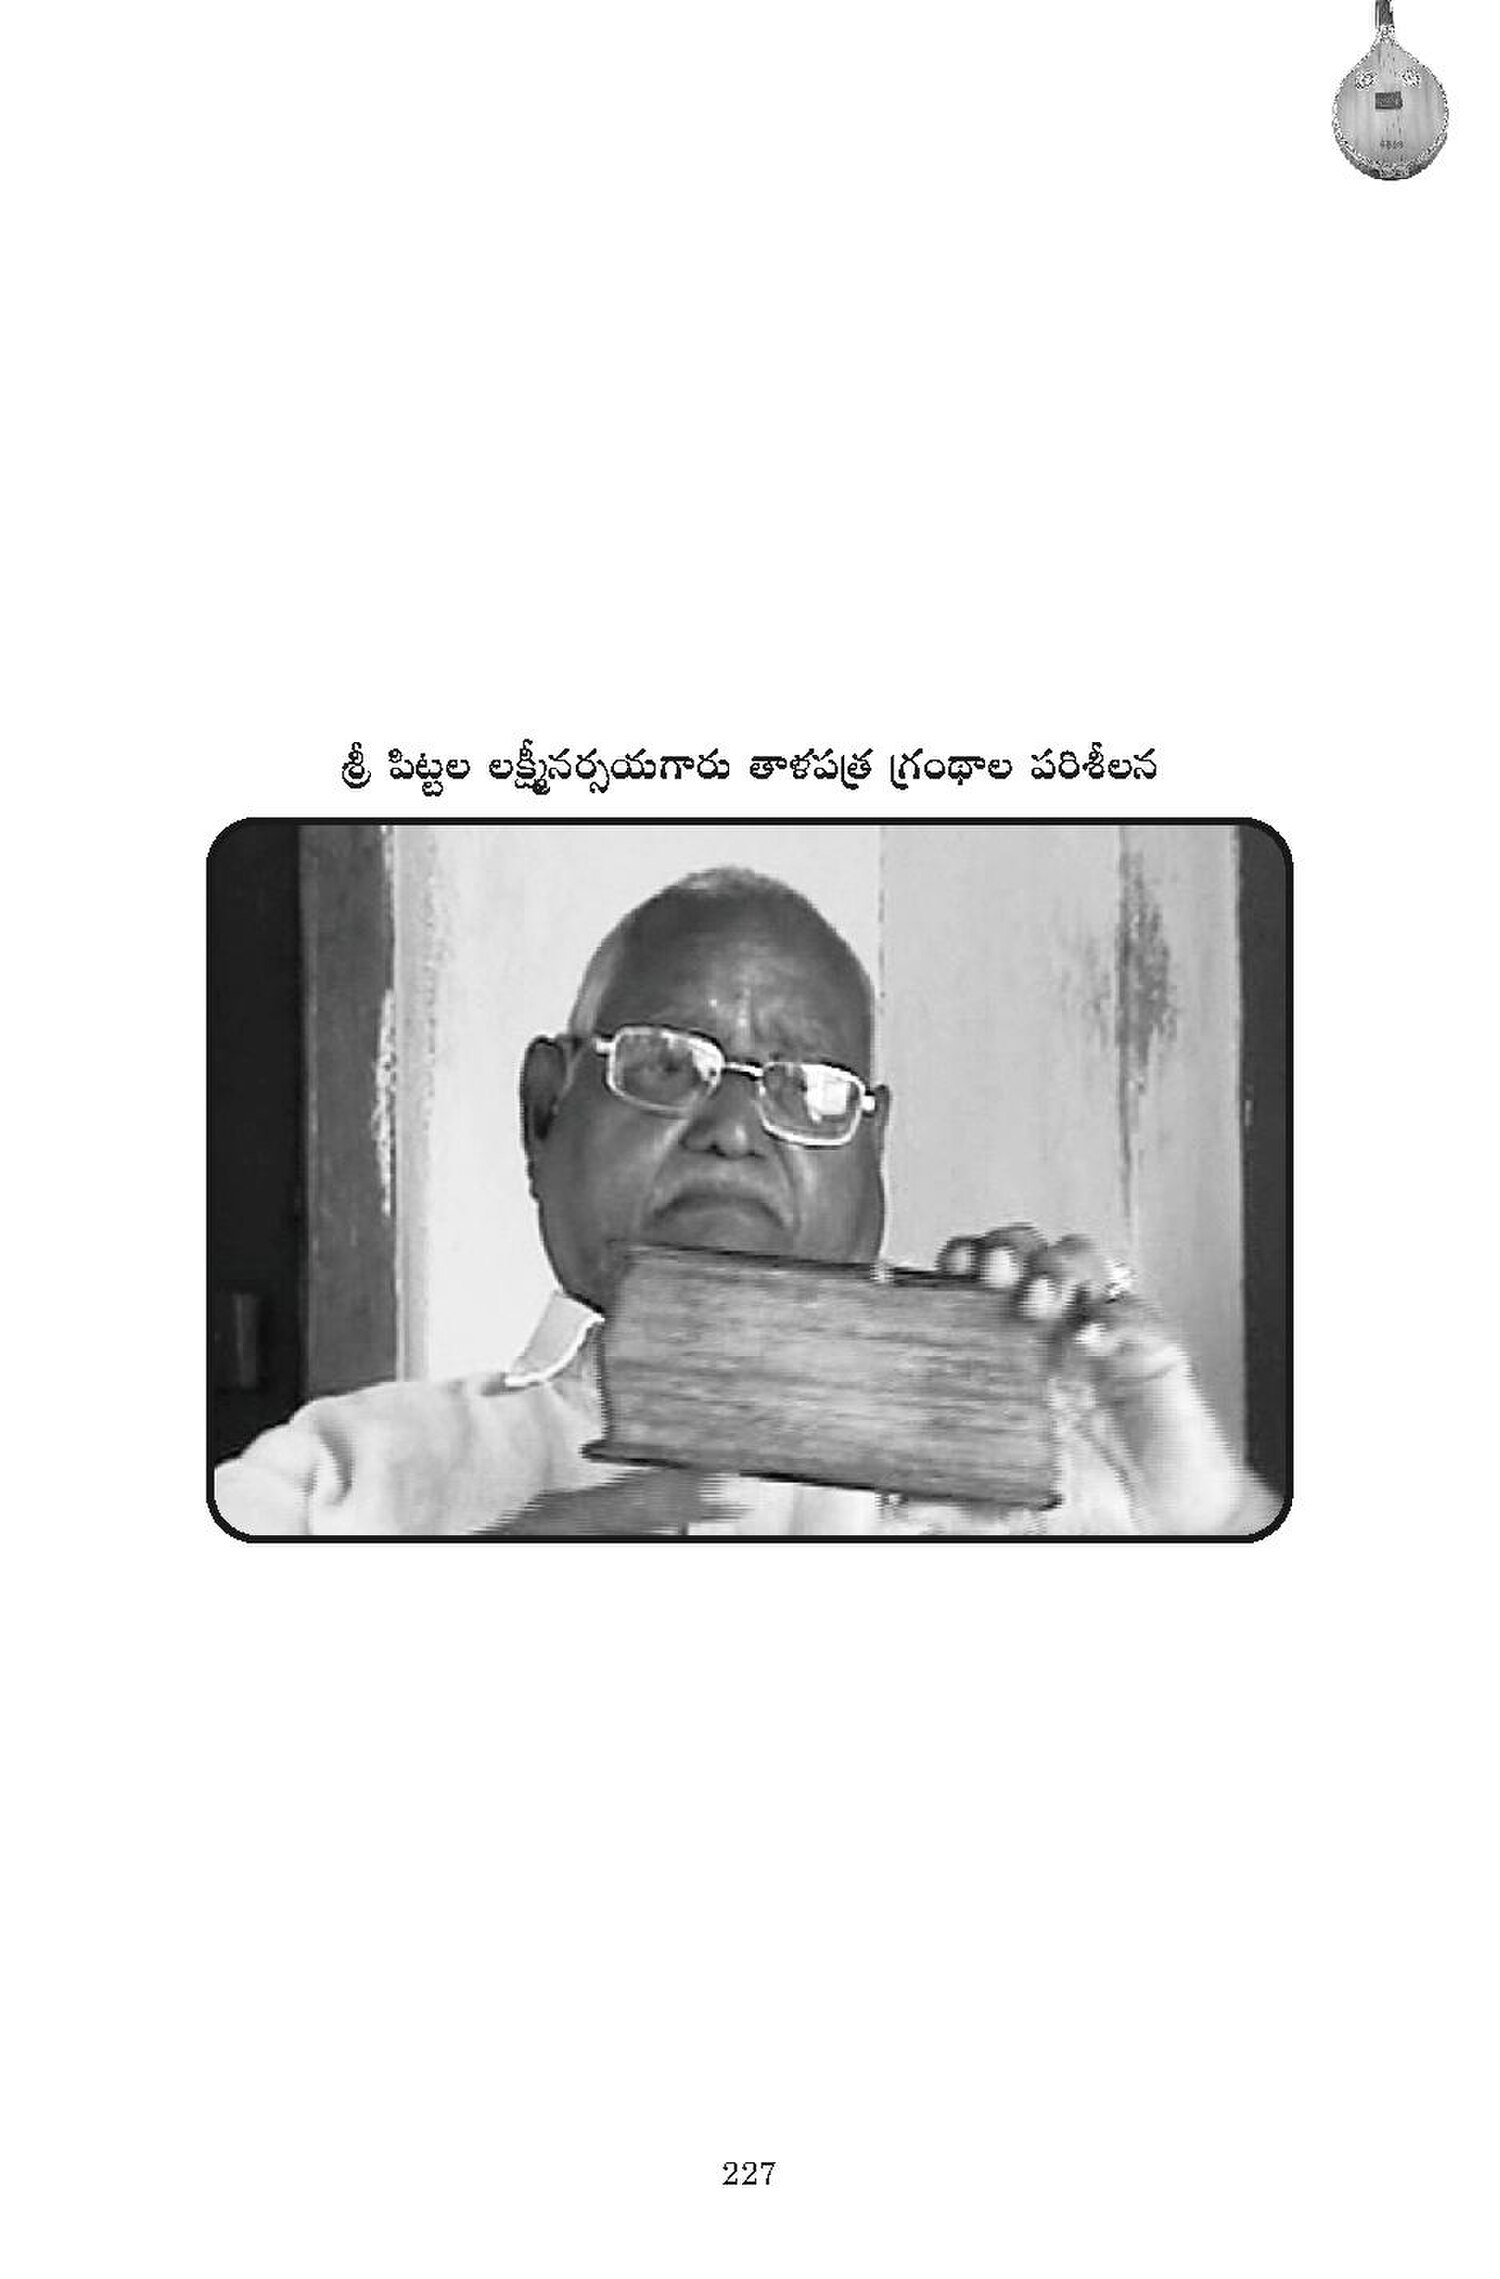శ్రీ పిట్టల లక్ష్మీనర్సయగారు తాళపత్ర గ్రంథాల పరిశీలన